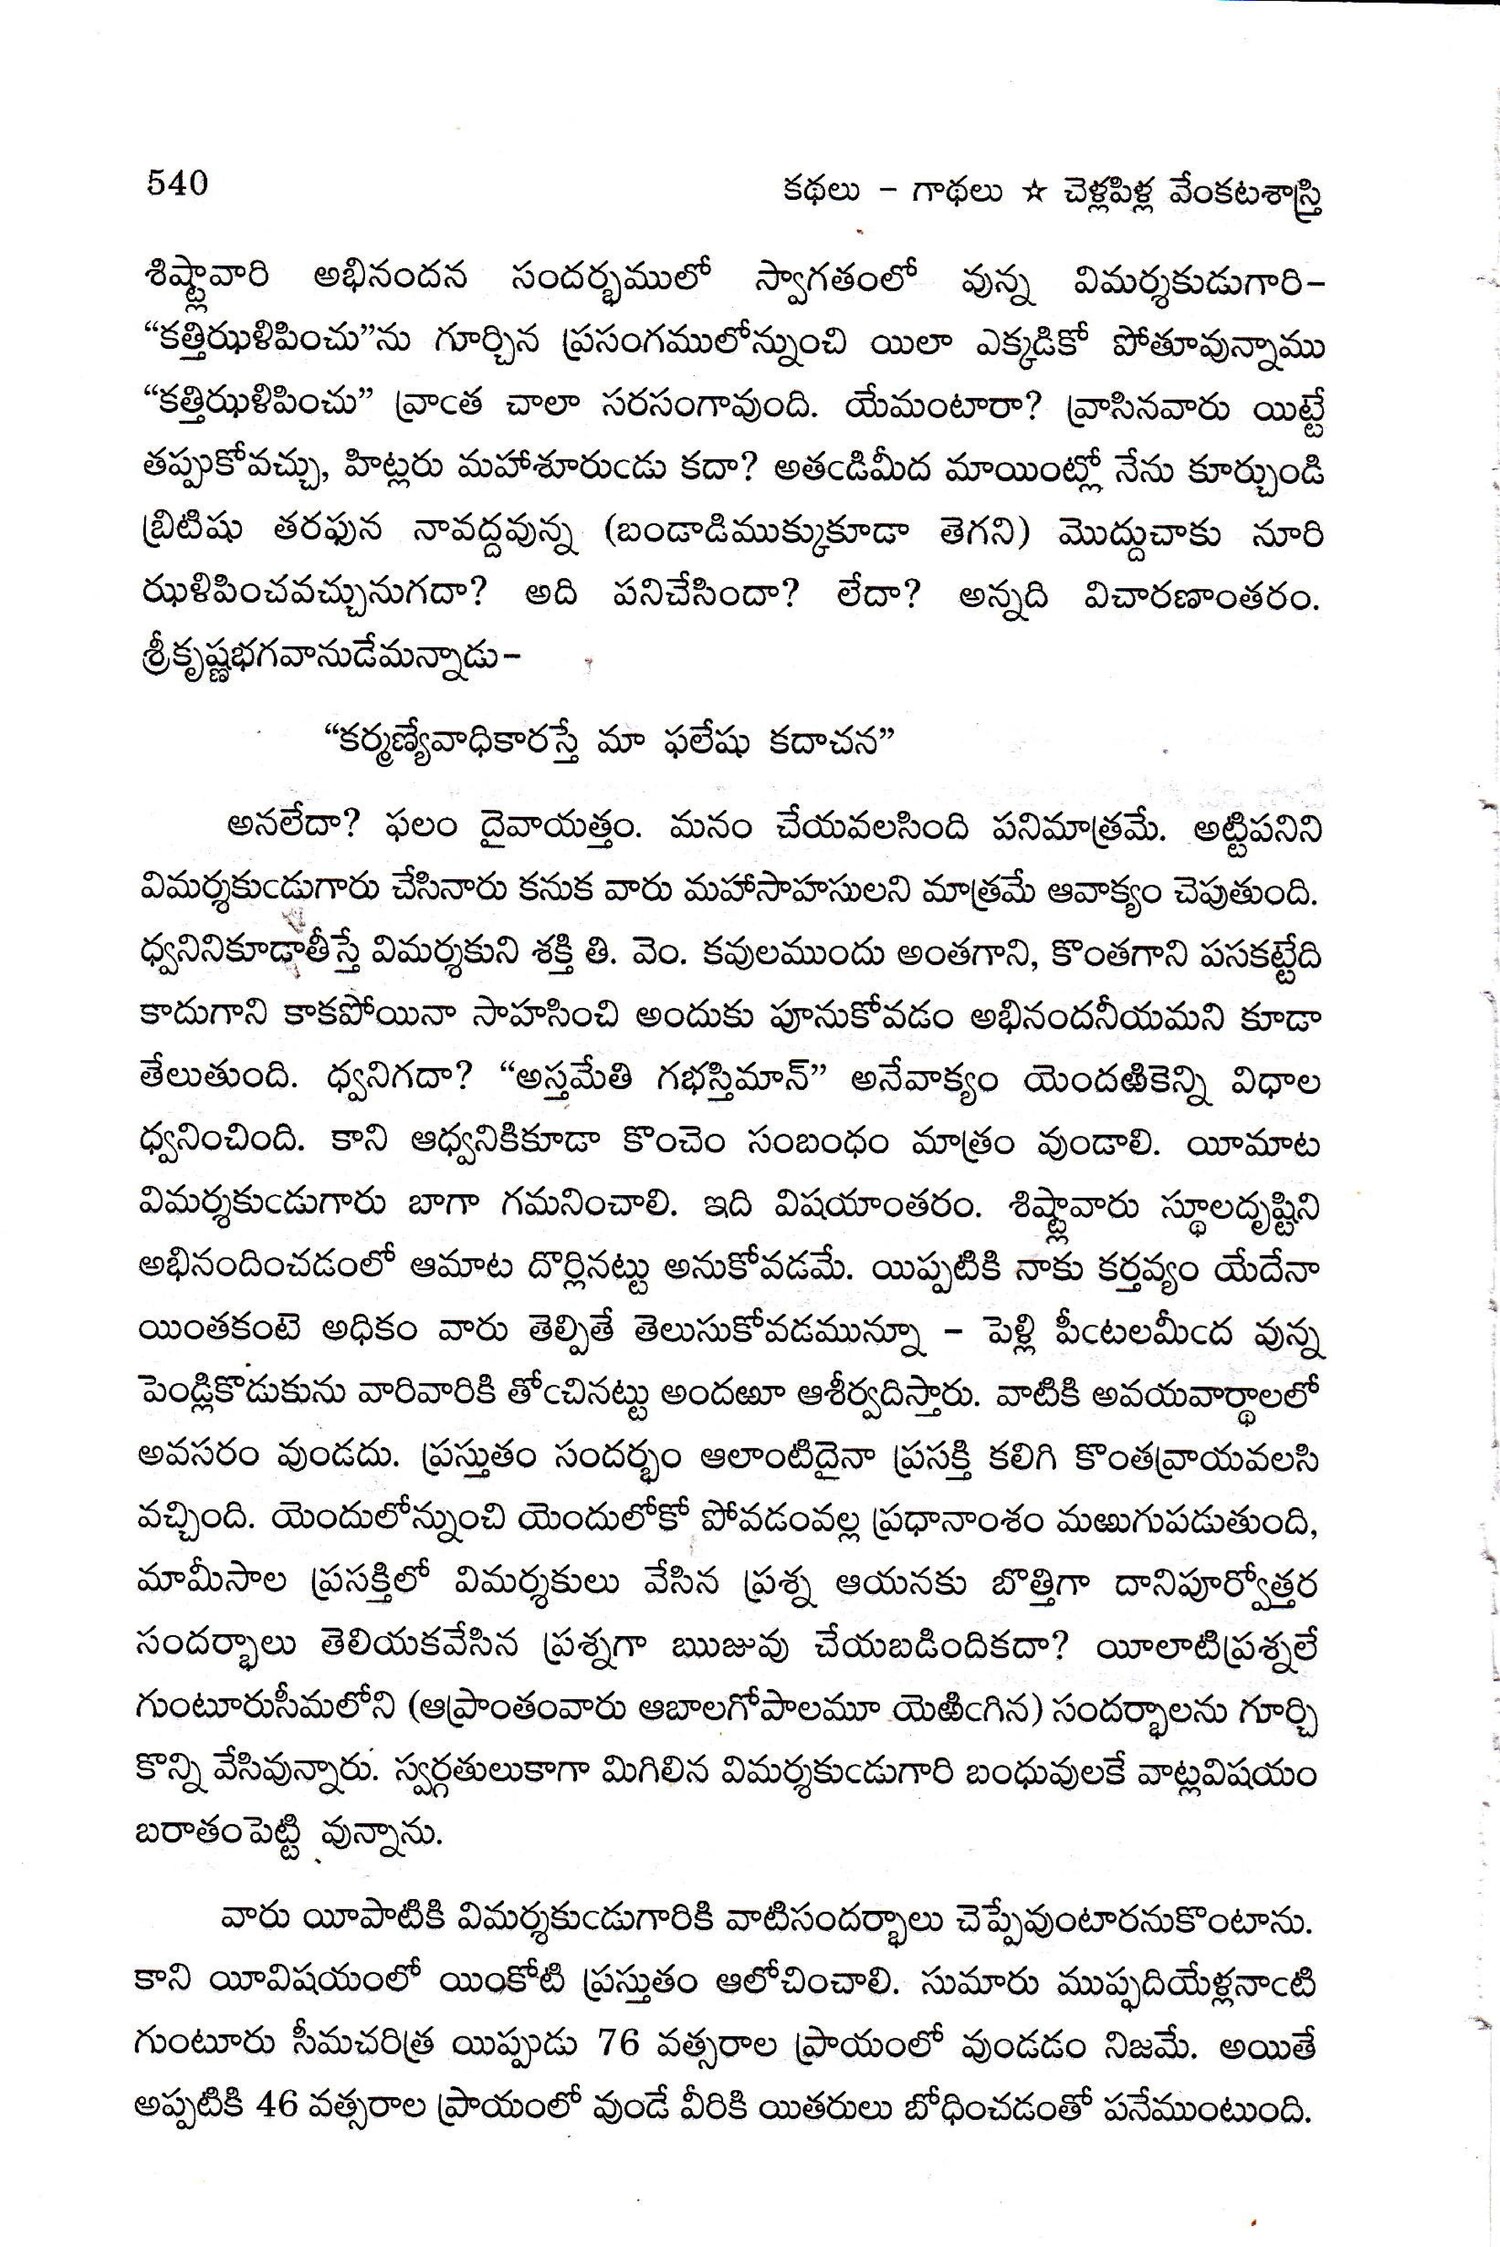శిష్ట్లావారి అభినందన సందర్భములో స్వాగతంలో వున్న విమర్శకుడుగారి "కత్తిఝళిపించు"ను గూర్చిన ప్రసంగములోన్నుంచి యిలా ఎక్కడికో పోతూవున్నాము "కత్తిఝళిపించు" వ్రాఁత చాలా సరసంగావుంది. యేమంటారా? వ్రాసినవారు యిట్టే తప్పుకోవచ్చు, హిట్లరు మహాశూరుఁడు కదా? అతఁడిమీద మాయింట్లో నేను కూర్చుండి బ్రిటిషు తరఫున నావద్దవున్న (బండాడిముక్కుకూడా తెగని) మొద్దుచాకు నూరి ఝళిపించవచ్చునుగదా? అది పనిచేసిందా? లేదా? అన్నది విచారణాంతరం. శ్రీకృష్ణభగవానుడేమన్నాడు--

"కర్మణ్యేవాధికారస్తే మా ఫలేషు కదాచన"

అనలేదా? ఫలం దైవాయత్తం. మనం చేయవలసింది పనిమాత్రమే. అట్టిపనిని విమర్శకుఁడుగారు చేసినారు కనుక వారు మహాసాహసులని మాత్రమే ఆవాక్యం చెపుతుంది. ధ్వనినికూడా తీస్తే విమర్శకుని శక్తి తి. వెం. కవులముందు అంతగాని, కొంతగాని పసకట్టేది కాదుగాని కాకపోయినా సాహసించి అందుకు పూనుకోవడం అభినందనీయమని కూడా తేలుతుంది. ధ్వనిగదా? “అస్తమేతి గభస్తిమాన్” అనేవాక్యం యెందఱికెన్ని విధాల ధ్వనించింది. కాని ఆధ్వనికికూడా కొంచెం సంబంధం మాత్రం వుండాలి. యీమాట విమర్శకుఁడుగారు బాగా గమనించాలి. ఇది విషయాంతరం. శిష్ట్లావారు స్థూలదృష్టిని అభినందించడంలో ఆమాట దొర్లినట్టు అనుకోవడమే. యిప్పటికి నాకు కర్తవ్యం యేదేనా యింతకంటె అధికం వారు తెల్పితే తెలుసుకోవడమున్నూ - పెళ్లి పీఁటలమీఁద వున్న పెండ్లికొడుకును వారివారికి తోఁచినట్టు అందఱూ ఆశీర్వదిస్తారు. వాటికి అవయవార్థాలలో అవసరం వుండదు. ప్రస్తుతం సందర్భం ఆలాంటిదైనా ప్రసక్తి కలిగి కొంతవ్రాయవలసి వచ్చింది. యెందులోన్నుంచి యెందులోకో పోవడంవల్ల ప్రధానాంశం మఱుగుపడుతుంది, మామీసాల ప్రసక్తిలో విమర్శకులు వేసిన ప్రశ్న ఆయనకు బొత్తిగా దానిపూర్వోత్తర సందర్భాలు తెలియకవేసిన ప్రశ్నగా ఋజువు చేయబడిందికదా? యీలాటిప్రశ్నలే గుంటూరుసీమలోని (ఆప్రాంతంవారు ఆబాలగోపాలమూ యెఱిఁగిన) సందర్భాలను గూర్చి కొన్ని వేసివున్నారు. స్వర్గతులుకాగా మిగిలిన విమర్శకుఁడుగారి బంధువులకే వాట్లవిషయం బరాతంపెట్టి వున్నాను.

వారు యీపాటికి విమర్శకుఁడుగారికి వాటిసందర్భాలు చెప్పేవుంటారనుకొంటాను. కాని యీవిషయంలో యింకోటి ప్రస్తుతం ఆలోచించాలి. సుమారు ముప్పదియేళ్లనాఁటి గుంటూరు సీమచరిత్ర యిప్పుడు 76 వత్సరాల ప్రాయంలో వుండడం నిజమే. అయితే అప్పటికి 46 వత్సరాల ప్రాయంలో వుండే వీరికి యితరులు బోధించడంతో పనేముంటుంది.